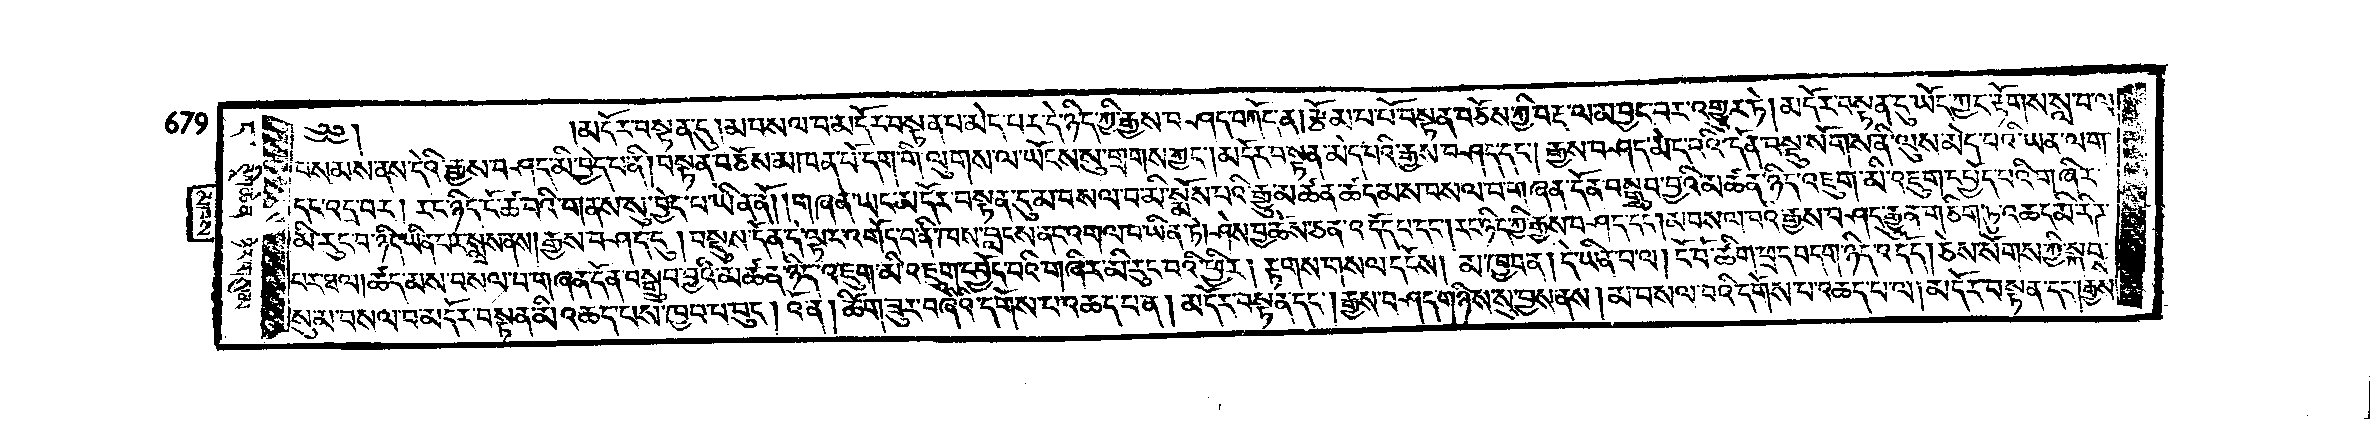༄༅། །མདོར་བསྟན་དུ། མ་བསལ་བ་མདོར་བསྟན་པ་མེད་པར་དེ་ཉིད་ཀྱི་རྒྱས་བཤད་བཀོད་ན། རྩོམ་པ་པོ་བསྟན་བཅོས་ཀྱི་བརྡ་ལ་མ་བྱང་བར་འགྱུར་ཏེ། མདོར་བསྟན་དུ་ཡོད་ཀྱང་རྟོགས་སླ་བ་ལ་
བསམས་ནས་དེའི་རྒྱས་བཤད་མི་བྱེད་པ་ནི། བསྟན་བཅོས་མཁན་པོ་དག་གི་ལུགས་ལ་ཡོངས་སུ་གྲགས་ཀྱང་། མདོར་བསྟན་མེད་པའི་རྒྱས་བཤད་དང་། རྒྱས་བཤད་མེད་པའི་དོན་བསྡུ་སོགས་ནི་ལུས་མེད་པའི་ཡན་ལག་
དང་འདྲ་བར། རང་ཉིད་ངོ་ཚ་བའི་གནས་སུ་བྱེད་པ་ཡིན་ནོ། །གཞན་ཡང་མདོར་བསྟན་དུ་མ་བསལ་བ་མི་སློས་པའི་རྒྱུ་མཚན་ཚད་མས་བསལ་བ་གཞན་དོན་བསྒྲུབ་བྱའི་མཚན་ཉིད་འཇུག་མི་འཇུག་དཔྱོད་པའི་གཞིར་
མི་རུང་བ་ཉིད་ཡིན་པར་སྨྲས་ནས། རྒྱས་བཤད་དུ། བསྡུས་དོན་དེ་ལྟར་འགོད་པ་ནི་ཁས་བླངས་ནང་འགལ་བ་ཡིན་ཏེ། ཤེས་བྱ་ཆོས་ཅན་འདོད་པ་དང་། རང་ཉིད་ཀྱི་རྒྱས་བཤད་དང་། མ་བསལ་བའི་རྒྱས་བཤད་རྒྱུན་གཅིག་ཏུ་འཆད་མི་རིགས་
པར་ཐལ། ཚད་མས་བསལ་བ་གཞན་དོན་བསྒྲུབ་བྱའི་མཚན་ཉིད་འཇུག་མི་འཇུག་དཔྱོད་པའི་གཞིར་མི་རུང་བའི་ཕྱིར། རྟགས་གསལ་དངོས། མ་ཁྱབ་ན། དེ་ཡིན་པ་ལ། ངོ་བོ་ཚིག་ཕྲད་བདག་ཉིད་འདོད། ཅེས་སོགས་ཀྱི་སྐབས་
སུ་མ་བསལ་བ་མདོར་བསྟན་མི་འཆད་པས་ཁྱབ་པ་བུང་། འོ་ན། ཚིག་ཟུར་བཞིའི་དགོས་པ་འཆད་པ་ན། མདོར་བསྟན་དང་། རྒྱས་བཤད་གཉིས་སུ་བྱས་ནས། མ་བསལ་བའི་དགོས་པ་འཆད་པ་ལ། མདོར་བསྟན་དང་། རྒྱས་